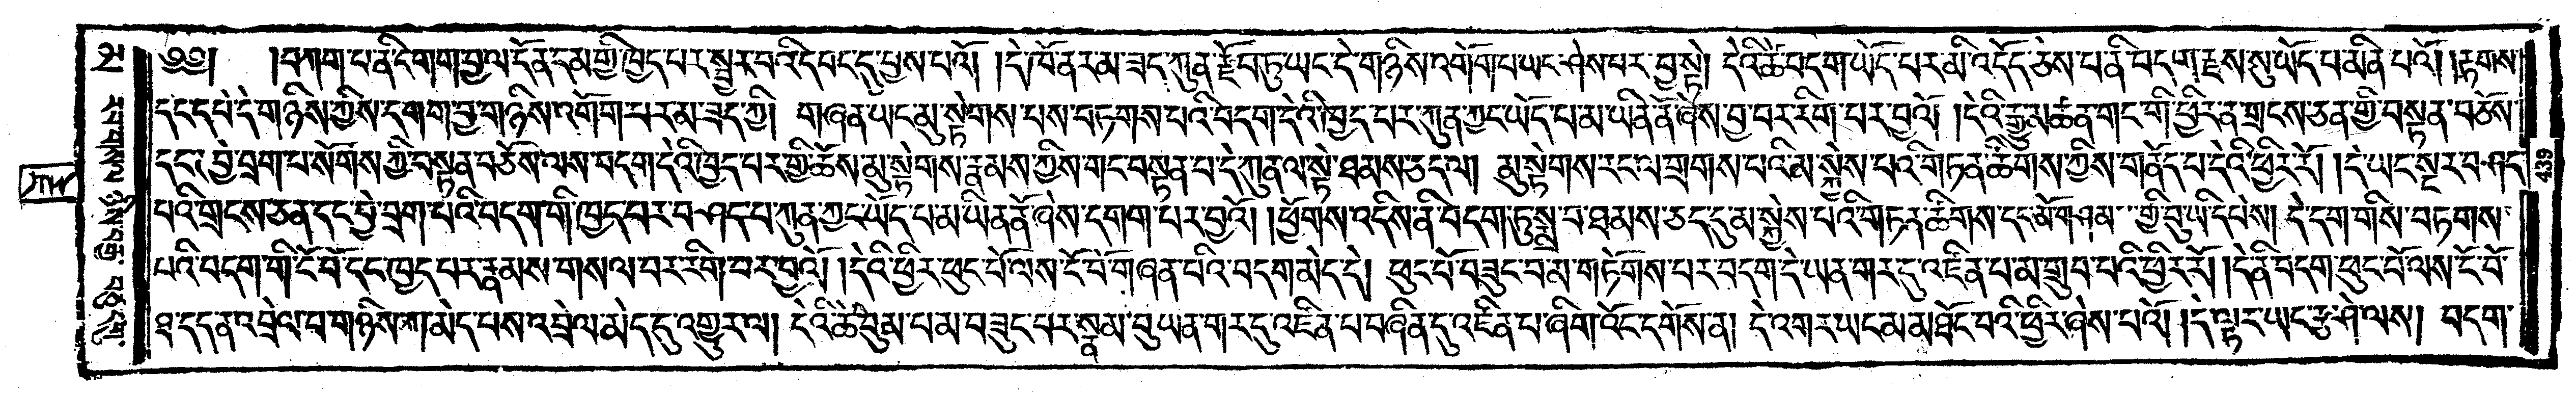༄༅། །བཀག་པ་ནི་དགག་བྱ་ལ་དོན་དམ་གྱི་ཁྱད་པར་སྦྱར་བའི་དབང་དུ་བྱས་པའོ། །དེ་ཁོ་ནར་མ་ཟད་ཀུན་རྫོབ་ཏུ་ཡང་དེ་གཉིས་འགོག་པ་ཡང་ཤེས་པར་བྱ་སྟེ། དེའི་ཚེ་བདག་ཡོད་པར་མི་འདོད་ཅེས་པ་ནི་བདག་རྫས་སུ་ཡོད་པ་མིན་པའོ། །རྟགས་
དང་དཔེ་དེ་གཉིས་ཀྱིས་དགག་བྱ་གཉིས་འགོག་པར་མ་ཟད་ཀྱི། གཞན་ཡང་མུ་སྟེགས་པས་བཏགས་པའི་བདག་དེའི་ཁྱད་པར་ཀུན་ཀྱང་ཡོད་པ་མ་ཡིན་ནོ་ཞེས་བྱ་བར་རིག་པར་བྱའོ། །དེའི་རྒྱུ་མཚན་གང་གི་ཕྱིར་ན་གྲངས་ཅན་གྱི་བསྟན་བཅོས་
དང༑ བྱེ་བྲག་པ་སོགས་ཀྱི་བསྟན་བཅོས་ལས་བདག་དེའི་ཁྱད་པར་གྱི་ཆོས་མུ་སྟེགས་རྣམས་ཀྱིས་གང་བསྟན་པ་དེ་ཀུན་ལ་སྟེ་ཐམས་ཅད་ལ། མུ་སྟེགས་རང་ལ་གྲགས་པའི་མ་སྐྱེས་པའི་གཏན་ཚིགས་ཀྱིས་གནོད་པ་དེའི་ཕྱིར་རོ། །དེ་ཡང་སྔར་བཤད་
པའི་གྲངས་ཅན་དང་བྱེ་བྲག་པའི་བདག་གི་ཁྱད་པར་བཤད་པ་ཀུན་ཀྱང་ཡོད་པ་མ་ཡིན་ནོ་ཞེས་དགག་པར་བྱའོ། །ཕྱོགས་འདིས་ནི་བདག་ཏུ་སྨྲ་བ་ཐམས་ཅད་དུ་མ་སྐྱེས་པའི་གཏན་ཚིགས་དང་མོ་གཤམ་གྱི་བུ་ཡི་དཔེས། དེ་དག་གིས་བཏགས་
པའི་བདག་གི་ངོ་བོ་དང་ཁྱད་པར་རྣམས་གསལ་བར་རིག་པར་བྱའོ། །དེའི་ཕྱིར་ཕུང་པོ་ལས་ངོ་བོ་གཞན་པའི་བདག་མེད་དེ། ཕུང་པོ་བཟུང་བ་མ་གཏོགས་པར་བདག་དེ་ཡན་གར་དུ་འཛིན་པ་མ་གྲུབ་པའི་ཕྱིར་རོ། །དེ་ནི་བདག་ཕུང་པོ་ལས་ངོ་བོ་
ཐ་དད་ན་འབྲེལ་བ་གཉིས་ཀ་མེད་པས་འབྲེལ་མེད་དུ་འགྱུར་ལ། དེའི་ཚེ་བུམ་པ་མ་བཟུང་བར་སྣམ་བུ་ཡན་གར་དུ་འཛིན་པ་བཞིན་དུ་འཛིན་པ་ཞིག་འོང་དགོས་ན། དེ་འགར་ཡང་མ་མཐོང་བའི་ཕྱིར་ཞེས་པའོ། །དེ་ལྟར་ཡང་རྩ་ཤེ་ལས། བདག་